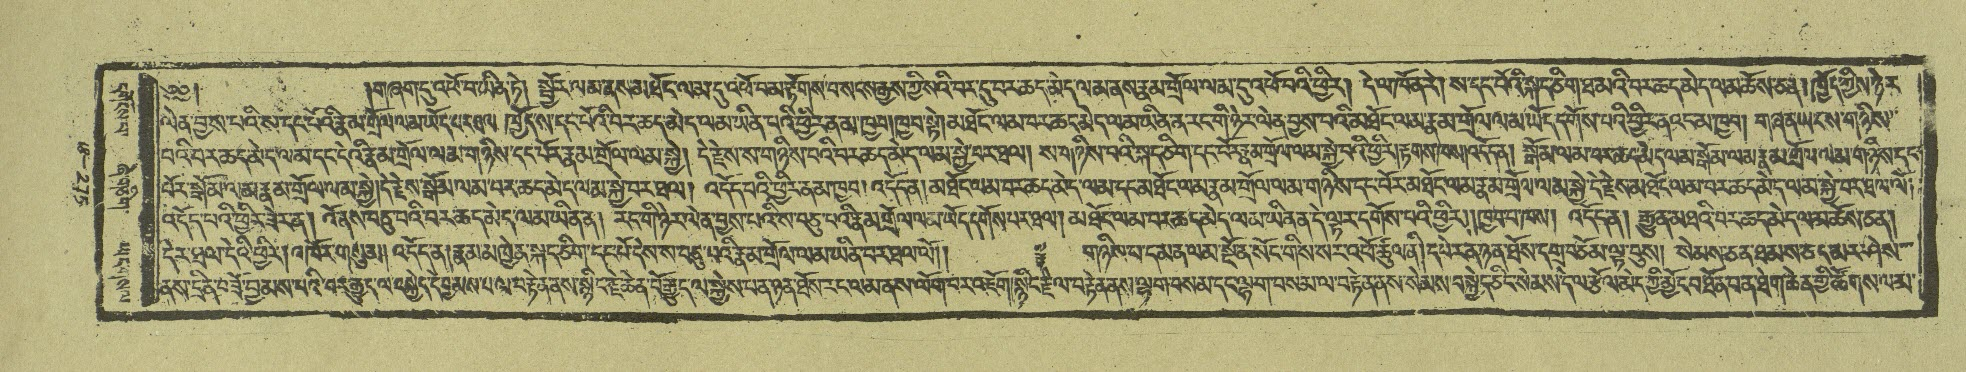༄༅། །གཞག་དུ་འཕོ་བ་ཡིན་ཏེ། སྦྱོར་ལམ་ནས་མཐོང་ལམ་དུ་འཕོ་བ་མ་རྟོགས་པ་སངས་རྒྱས་ཀྱི་སའི་བར་དུ་བར་ཆད་མེད་ལམ་ནས་རྣམ་གྲོལ་ལམ་དུ་འཕོ་བའི་ཕྱིར། དེ་ལ་ཁོ་ན་རེ། ས་དང་པོའི་སྐད་ཅིག་ཐ་མའི་བར་ཆད་མེད་ལམ་ཆོས་ཅན། ཁྱོད་ཀྱིས་ཉེར་
ལེན་བྱས་པའི་ས་དང་པོའི་རྣམ་གྲོལ་ལམ་ཡོད་པར་ཐལ། ཁྱོད་ས་དང་པོའི་བར་ཆད་མེད་ལམ་ཡིན་པའི་ཕྱིར་ན་མ་ཁྱབ། ཁྱབ་སྟེ། མཐོང་ལམ་བར་ཆད་མེད་ལམ་ཡིན་ན་རང་གི་ཉེར་ལེན་བྱས་པའི་མཐོང་ལམ་རྣམ་གྲོལ་ལམ་ཡོད་དགོས་པའི་ཕྱིར་ནའང་མ་ཁྱབ། གཞན་ཡངས་གཉིས་
པའི་བར་ཆད་མེད་ལམ་དང་དེའི་རྣམ་གྲོལ་ལམ་གཉིས་དང་པོར་རྣམ་གྲོལ་ལམ་སྐྱེ། དེ་རྗེས་ས་གཉིས་པའི་བར་ཆད་མེད་ལམ་སྐྱེ་བར་ཐལ། ས་གཉིས་པའི་སྐད་ཅིག་དང་པོར་རྣམ་གྲོལ་ལམ་སྐྱེ་བའི་ཕྱིར། རྟགས་ཁས། འདོད་ན། སྒོམ་ལམ་བར་ཆད་མེད་ལམ་སྒོམ་ལམ་རྣམ་གྲོལ་ལམ་གཉིས་དང་
པོར་སྒོམ་ལམ་རྣམ་གྲོལ་ལམ་སྐྱེ། དེ་རྗེས་སྒོམ་ལམ་བར་ཆད་མེད་ལམ་སྐྱེ་བར་ཐལ། འདོད་པའི་ཕྱིར་ན་མ་ཁྱབ། འདོད་ན། མཐོང་ལམ་བར་ཆད་མེད་ལམ་དང་མཐོང་ལམ་རྣམ་གོལ་ལམ་གཉིས་དང་པོར་མཐོང་ལམ་རྣམ་གྲོལ་ལམ་སྐྱེ་དེ་རྗེས་མཐོང་ལམ་བར་ཆད་མེད་ལམ་སྐྱེ་བར་ཐལ་ལོ། །
འདོད་པའི་ཕྱིར་ཟེར་ན། འོ་ན་ས་བཅུ་པའི་བར་ཆད་མེད་ལམ་ཡིན་ན། རང་གི་ཉེར་ལེན་བྱས་པའི་ས་བཅུ་པའི་རྣམ་གྲོལ་ལམ་ཡོད་དགོས་པར་ཐལ། མཐོང་ལམ་བར་ཆད་མེད་ལམ་ཡིན་ན་དེ་ལྟར་དགོས་པའི་ཕྱིར། །ཁྱབ་པ་ཁས། འདོད་ན། རྒྱུན་མཐའི་བར་ཆད་མེད་ལམ་ཆོས་ཅན།
དེར་ཐལ་དེའི་ཕྱིར། འཁོར་གསུམ། འདོད་ན། རྣམ་མཁྱེན་སྐད་ཅིག་དང་པོ་དེས་ས་བཅུ་པའི་རྣམ་གྲོལ་ལམ་ཡིན་པར་ཐལ་ལོ།། ༈ གཉིས་པ་དམན་ལམ་སྔོན་སོང་གིས་སར་འཕོ་ཚུལ་ནི། དཔེར་ན་ཉན་ཐོས་དགྲ་བཅོམ་ལྟ་བུས། སེམས་ཅན་ཐམས་ཅད་མར་ཤེས་
ནས་དྲིན་བཟོ་བྱམས་བའི་བར་རྒྱུད་ལ་བསྐྱེད་དེ་བྱམས་པ་ལ་བརྟེན་ནས་སྙིང་རྗེ་ཆེན་པོ་རྒྱུད་ལ་སྐྱེས་པ་ན་ཉན་ཐོས་རང་ལམ་ནས་ལོག་པར་འཇོག །སྙིང་རྗེ་ལ་བརྟེན་ནས་ལྷག་བསམ་དང་ལྷག་བསམ་ལ་བརྟེན་ནས་སེམས་བསྐྱེད་ཅིང་སེམས་དེ་ལ་རྩོལ་མེད་ཀྱི་མྱོང་བ་ཐོན་བ་ན་ཐེག་ཆེན་གྱི་ཚོགས་ལམ་